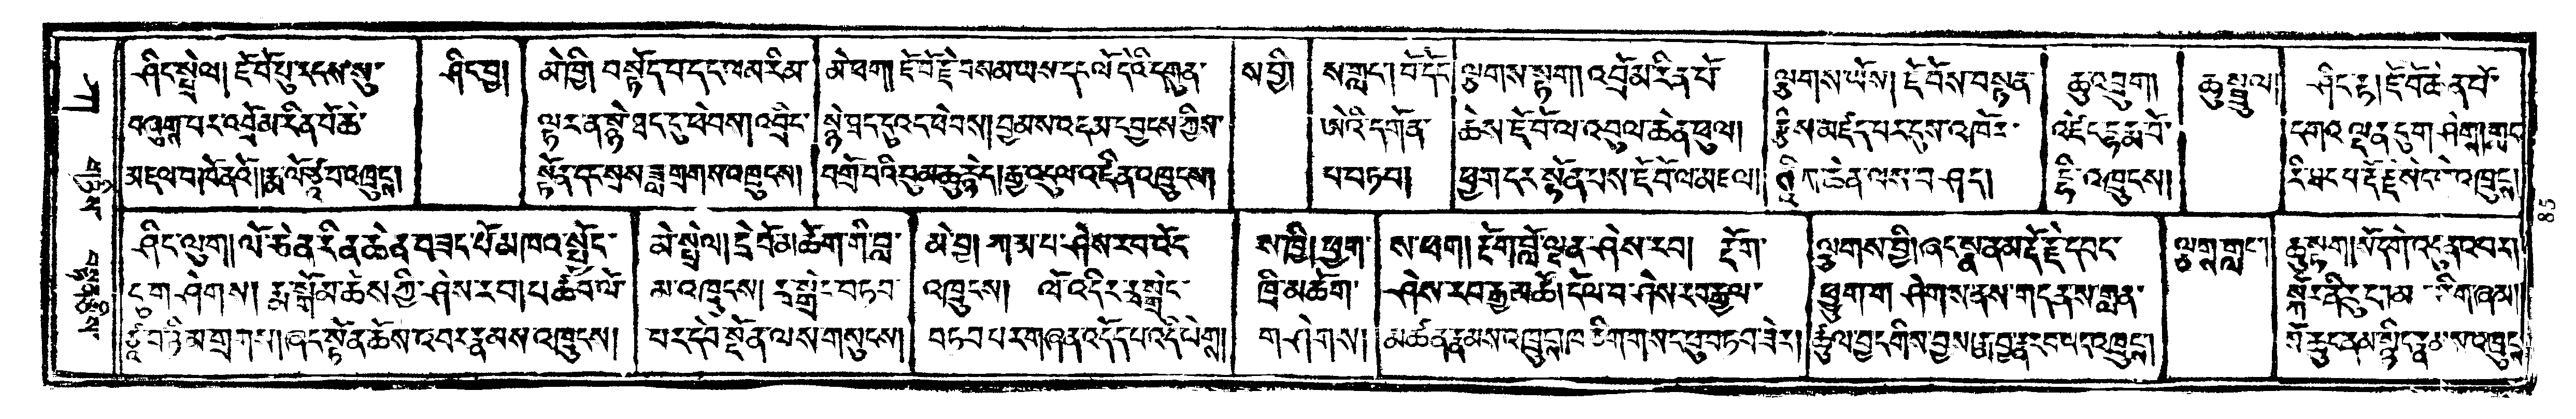ཤིང་སྤྲེལ། ཇོ་བོ་པུ་རངས་སུ་ཤིང་བྱ། མེ་ཁྱི། བསྟོད་པ་དང་ལམ་རིམ་མེ་ཕག། ཇོ་བོ་རྗེ་བསམ་ཡས་དང་ལོ་དེའི་དགུན་ས་བྱི། ས་གླང་། བོ་དོང་ལྕགས་སྟག། འབྲོམ་རིན་པོ་ལྕགས་ཡོས། ཇོ་བོས་བསྟན། ཆུ་འབྲུག། ཆུ་སྦྲུག། ཆུ་སྒྲུལ། ཤིང་རྟ། ཇོ་བོ་ཆེན་པོ་
བཞུགས་པར་འབྲོམ་རིན་པོ་ཆེ་ལྟར་ན་སྙེ་ཐང་དུ་ཕེབས། འབྲིང་སྙེ་ཐང་དུའང་ཕེབས། བྱམས་འཇམ་དབྱངས་ཀྱིས་ཨེའི་དགོན་ཆེས་ཇོ་བོ་ལ་འབུལ་ཆེན་ཕུལ། རྩིས་མཛད་པར་དུས་འཁོར་འཛེད་དྷ་རྨ་བོ་དགའ་ལྡན་དུ་གཤེགས། གླང་
མཇལ་བ་ཁོ་ནའོ། །རྨ་ལོ་ཙཱ་བ་འཁྲུངས། སྟོན་དང་སྲས་ཟླ་གྲགས་འཁྲུངས། འགྲོ་བའི་བུམ་ཆུ་རྙེད། །རྒྱ་འདུལ་འཛིན་འཁྲུངས། པ་བཏབ། ཕྱག་དར་སྟོན་པས་ཇོ་བོ་ལ་འཇམ། ཏཱི་ཀ་ཆེན་ལ་བཤད། དྷི་འཁྲུངས། རི་ཐང་པ་རྡོ་རྗེ་སེང་གེ་འཁྲུངས།
ཤིང་ལུག། ལོ་ཅེན་རིན་ཆེན་བཟང་པོ་མཁའ་སྤྱོད་མེད་སྤྲེལ། དྲེ་བོ་མཆོག་གི་བླ་མེ་བྱ། ཀ་མ་པ་ཤེས་རབ་འོང་ས་ཁྱི། ཕྱག་ས་ཕག །རྡོག་བློ་ལྡན་ཤེས་རབ། རྡོག་ལྕགས་བྱི། ཞང་སྣ་ནམ་རྡོ་རྗེ་དབང་ལྕགས་གླང་། ཆུ་སྟག། སོ་དགེ་འདུན་འབར།
དུ་གཤེགས། རྨ་སྒོམ་ཆེས་ཀྱི་ཤེས་རབ། པ་ཆབ་ལོ་མ་འཁྲུངས། རྭ་སྒྲེང་བཏབ་འཁྲུངས། ལོ་འདིར་རྭ་སྒྲེང་ཁྲི་མཆོག་ཤེས་རབ་རྒྱ་མཚོ། དོལ་བ་ཤེས་རབ་རྒྱལ་ཕྱུག་གཤེགས་ནས་གདན་ས་གླན་སྐོར་ནི་རུ་པ། མས?་རིག་ཞ་མ།
ཙཱ་བ་ཉི་མ་གྲགས། ཞང་སྟོན་ཆོས་འབར་རྣམས་འཁྲུངས། པར་དེབ་སྔོན་ལས་གསུངས། བཏབ་པར་གཞན་འདོད་པ་འདི་ལེགས། གཤེགས། མཚན་རྣམས་འཁྲུངས། ཁ་ཅིག་གསང་ཕུ་བཏབ་ཟེར། ཚུལ་བྱང་གིས་བྱས་རྩ། བྱ་རྣ་རབ་ལང་འཁྲུངས། སོ་ཆུང་ནམ་སྙིང་རྣམས་འཁྲུངས་